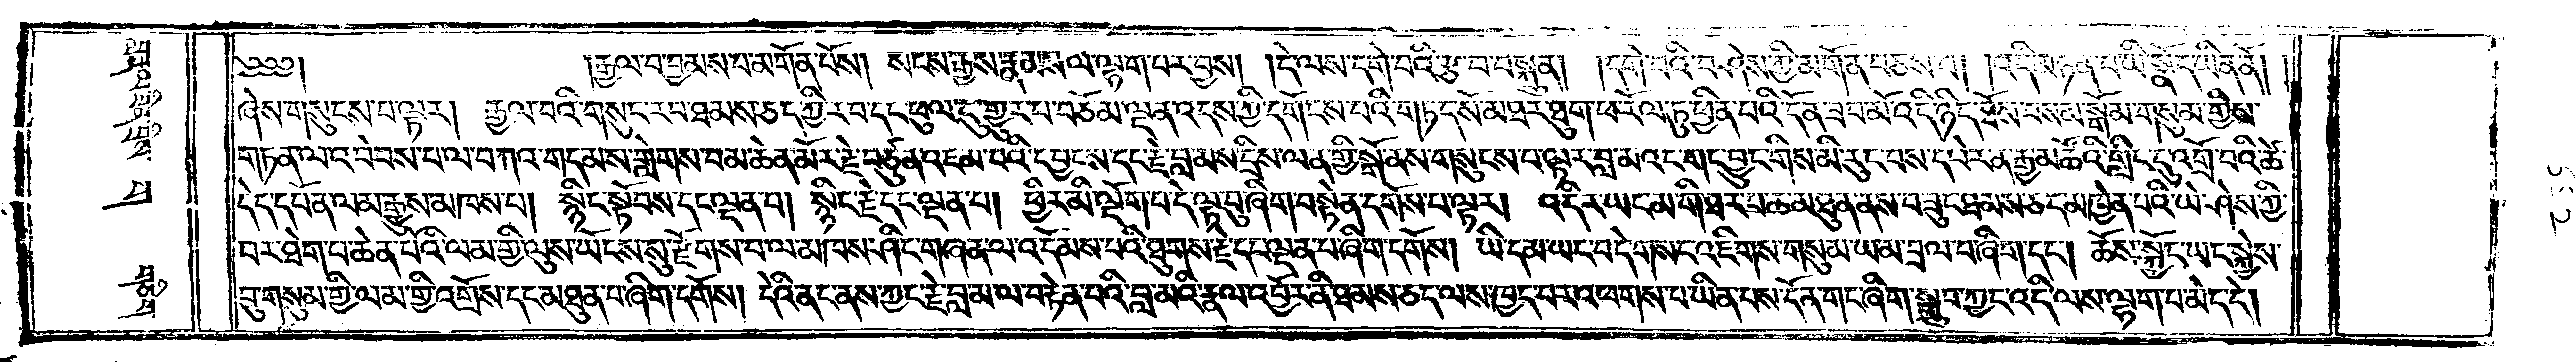༄༅༅། །རྒྱལ་བ་བྱམས་པ་མགོན་པོས། སངས་རྒྱས་རྣམས་ལ་ལྷག་པར་བྱས། །དེ་ལས་དགེ་བའི་རྩ་བ་བསྐྲུན། །དགེ་བའི་བཤེས་ཀྱི་མགོན་བཅས་པ། །འདི་མཉན་པ་ཡི་སྣོད་ཡིན་ནོ། །
ཞེས་གསུངས་པ་ལྟར། རྒྱལ་བའི་གསུང་རབ་ཐམས་ཅད་ཀྱི་རབ་དང་ཕུལ་དུ་གྱུར་པ་བཅོམ་ལྡན་འདས་ཀྱི་དགོངས་པའི་གཏད་སོ་མཐར་ཐུག་ཕ་རོལ་ཏུ་ཕྱིན་པའི་དོན་ཟབ་མོ་འདི་ཉིད་ཐོས་བསམ་སྒོམ་གསུམ་གྱིས་
གཏན་ལ་འབེབས་པ་ལ་བཀའ་གདམས་གླེགས་བམ་ཆེན་མོར་རྗེ་བཙུན་འཇམ་པའི་དབྱངས་དང་རྗེ་བླ་མས་དྲིས་ལན་གྱི་སྒོ་ནས་གསུངས་པ་ལྟར་བླ་མའང་གང་བྱུང་གྱིས་མི་རུང་བས་དཔེར་ན་རྒྱ་མཚོའི་གླིང་དུ་འགྲོ་བའི་ཚེ་
དེད་དཔོན་ལམ་རྒྱུས་མཁས་པ། སྙིང་སྟོབས་དང་ལྡན་པ། སྙིང་རྗེ་དང་ལྡན་པ། ཕྱིར་མི་ལྡོག་པ་དེ་ལྟ་བུ་ཞིག་བསྟེན་དགོས་པ་ལྟར། འདིར་ཡང་མ་གི་ཐར་པ་ཆ་མཐུན་ནས་བཟུང་ཐམས་ཅད་མཁྱེན་པའི་ཡེ་ཤེས་ཀྱི་
བར་ཐེག་པ་ཆེན་པོའི་ལམ་གྱི་ལུས་ཡོངས་སུ་རྫོགས་བ་ལ་མཁས་ཤིང་གཞན་ལ་འདོམས་པའི་ཐུགས་རྗེ་དང་ལྡན་པ་ཞིག་དགོས། ཡི་དམ་ཡང་བདེ་གསང་འཇིགས་གསུམ་ཡམ་བྲལ་བ་ཞིག་དང་། ཆོས་སྐྱོང་ཡང་སྐྱེས་
བུ་གསུམ་གྱི་ལམ་གྱི་འགྲོས་དང་མཐུན་བ་ཞིག་དགོས། དེའི་ནང་ནས་ཀྱང་རྗེ་བླ་མ་ལ་བརྟེན་པའི་བླ་མའི་རྣལ་འབྱོར་ནི་ཐམས་ཅད་ལས་ཁྱད་པར་འཕགས་པ་ཡིན་པས་དོན་གང་ཞིག་སྒྲུབ་ཀྱང་འདི་ལས་ལྷག་པ་མེད་དེ།